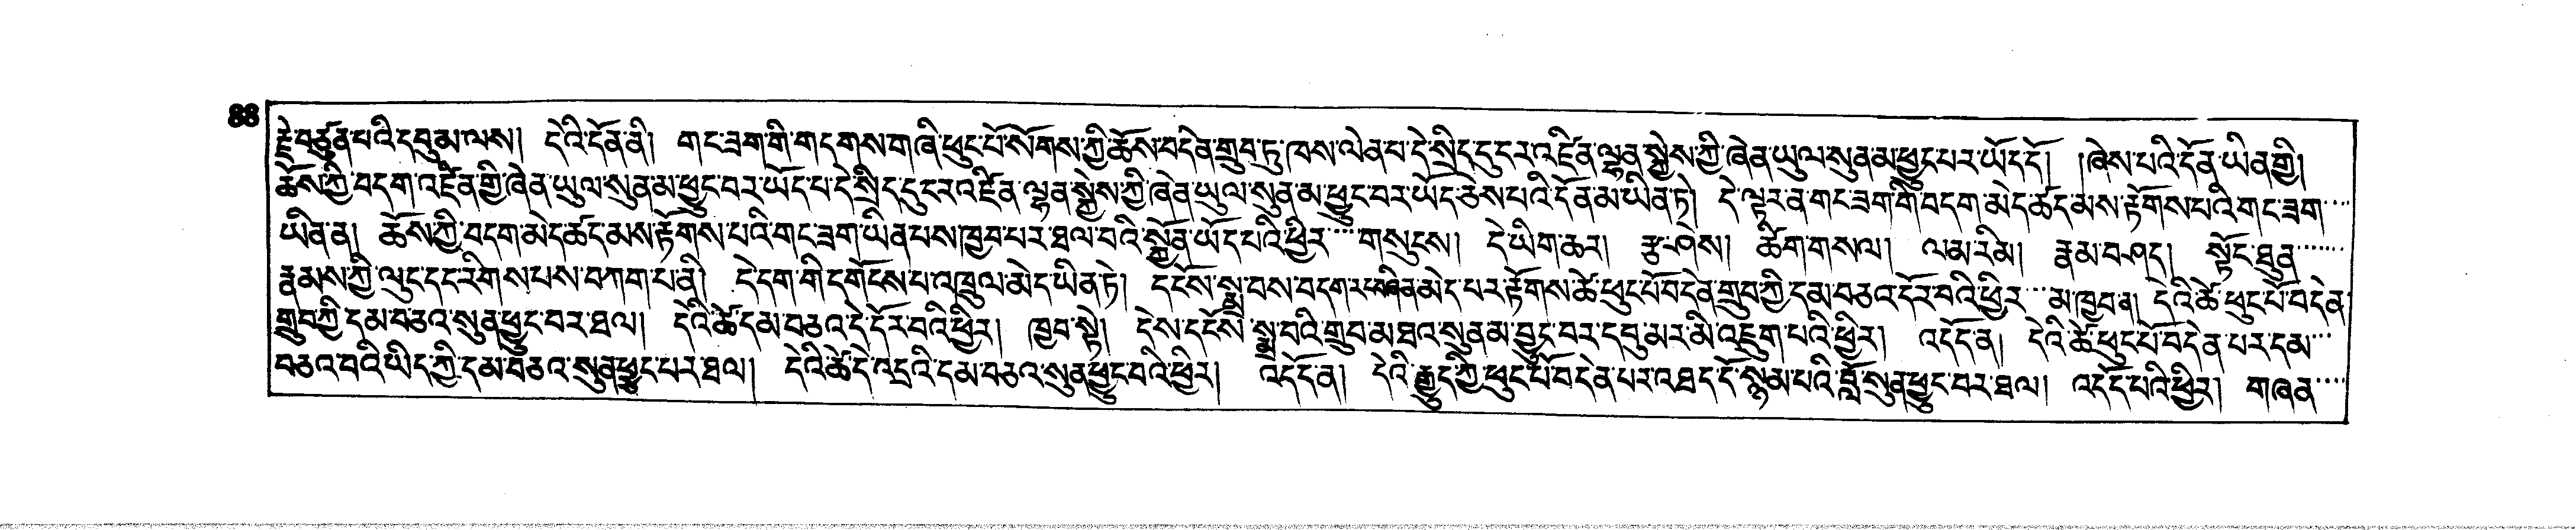རྗེ་བཙུན་པའི་དབུ་མ་ལས། དེའི་དོན་ནི། གང་ཟག་གི་གདགས་གཞི་ཕུང་པོ་སོགས་ཀྱི་ཆོས་བདེན་གྲུབ་ཏུ་ཁས་ལེན་པ་དེ་སྲིད་དུ་ངར་འཛིན་ལྷན་སྐྱེས་ཀྱི་ཞེན་ཡུལ་སུན་མ་ཕྱུང་པར་ཡོད་དོ། །ཞེས་པའི་དོན་ཡིན་གྱི།
ཆོས་ཀྱི་བདག་འཛིན་གྱི་ཞེན་ཡུལ་སུན་མ་ཕྱུང་བར་ཡོད་པ་དེ་སྲིད་དུ་ངར་འཛིན་ལྷན་སྐྱེས་ཀྱི་ཞེན་ཡུལ་སུན་མ་ཕྱུང་བར་ཡོད་ཅེས་པའི་དོན་མ་ཡིན་ཏེ། དེ་ལྟར་ན་གང་ཟག་གི་བདག་མེད་ཚད་མས་རྟོགས་པའི་གང་ཟག་
ཡིན་ན། ཆོས་ཀྱི་བདག་མེད་ཚད་མས་རྟོགས་པའི་གང་ཟག་ཡིན་པས་ཁྱབ་པར་ཐལ་བའི་སྐྱོན་ཡོད་པའི་ཕྱིར་གསུངས། དེ་ཡིག་ཆར། རྩ་ཤེས། ཚིག་གསལ། ལམ་རིམ། རྣམ་བཤད། སྟོང་ཐུན་
རྣམས་ཀྱི་ལུང་དང་རིགས་པས་བཀག་པ་ནི། དེ་དག་གི་དགོངས་པ་འཁྲུལ་མེད་ཡིན་ཏེ། དངོས་སྨྲ་བས་བདག་རང་བཞིན་མེད་པར་རྟོགས་ཚེ་ཕུང་པོ་བདེན་གྲུབ་ཀྱི་དམ་བཅའ་དོར་བའི་ཕྱིར་མ་ཁྱབ་ན། དེའི་ཚེ་ཕུང་པོ་བདེན་
གྲུབ་ཀྱི་དམ་བཅའ་སུན་ཕྱུང་བར་ཐལ། དེའི་ཚེ་དམ་བཅའ་དེ་དོར་བའི་ཕྱིར། ཁྱབ་སྟེ། དེས་དངོས་སྨྲ་བའི་གྲུབ་མཐའ་སུན་མ་བྱུང་བར་དབུ་མར་མི་འཇུག་པའི་ཕྱིར། འདོད་ན། དེའི་ཚེ་ཕུང་པོ་བདེན་པར་དམ་
བཅའ་བའི་ཡིད་ཀྱི་དམ་བཅའ་སུན་ཕྱུང་པར་ཐལ། དེའི་ཚེ་དེ་འདྲའི་དམ་བཅའ་སུན་ཕྱུང་བའི་ཕྱིར། འདོད་ན། དེའི་རྒྱུད་ཀྱི་ཕུང་པོ་བདེན་པར་འཐད་དོ་སྙམ་པའི་བློ་སུན་ཕྱུང་བར་ཐལ། འདོད་པའི་ཕྱིར། གཞན་